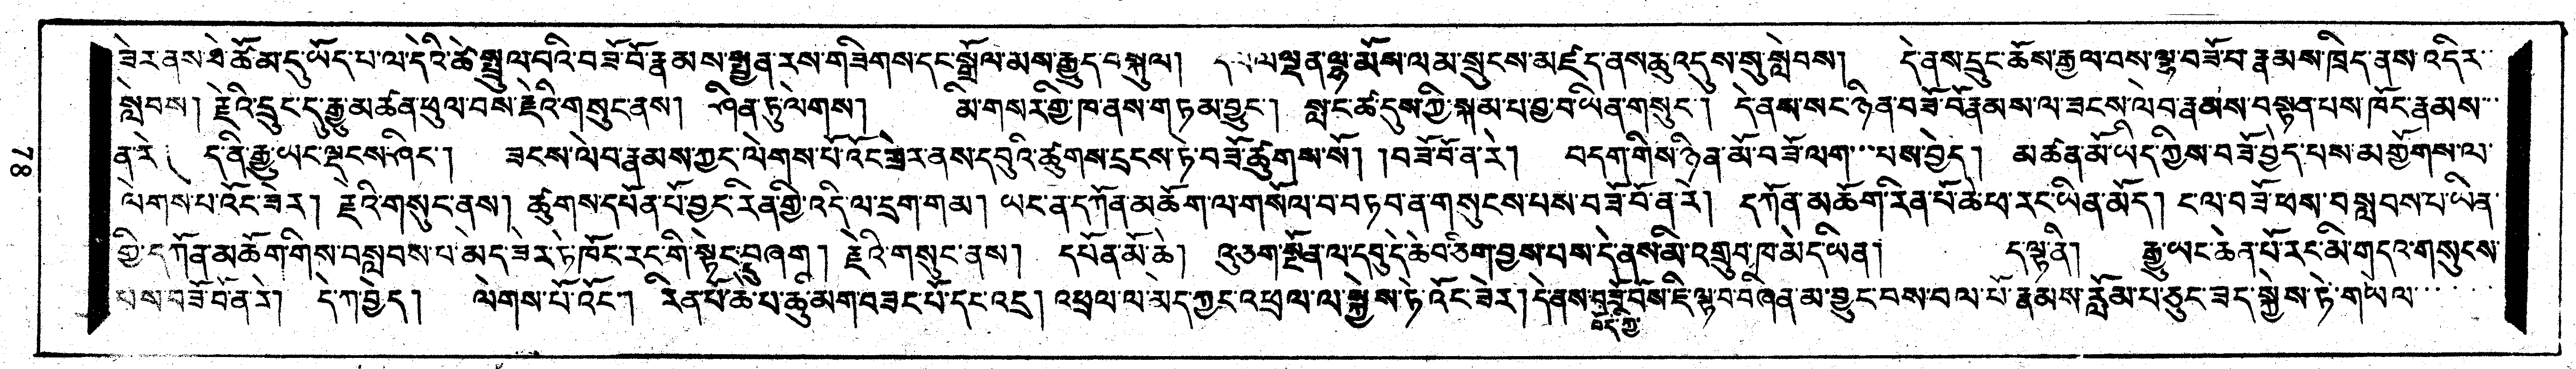ཟེར་ནས་ཐེ་ཚོམ་དུ་ཡོད་པ་ལ་དེའི་ཚེ་སྤྲུལ་པའི་བཟོ་བོ་རྣམས་སྤྱན་རས་གཟིགས་དང་སྒྲོལ་མས་རྒྱུད་བསྐུལ། དཔལ་ལྡན་ལྷ་མོས་ལམ་སྲུངས་མཛད་ནས་ཆུ་འདུས་སུ་སླེབས། དེ་ནས་དྲུང་ཆོས་རྒྱལ་བས་ལྷ་བཟོ་པ་རྣམས་ཁྲིད་ནས་འདིར་
ཕ༹སླེབས། རྗེའི་དྲུང་དུ་རྒྱུ་མཚན་ཕུལ་བས་རྗེའི་གསུང་ནས། ཤིན་ཏུ་ལེགས། མི་གསར་གྱི་ཁ་ནས་གཏམ་བྱུང་། སླ་ང་ཚ་དུས་ཀྱི་སྐམ་པ་བྱ་བ་ཡིན་གསུང་། དེ་ནས་སང་ཉིན་བཟོ་བོ་རྣམས་ལ་ཟངས་ལེབ་རྣམས་བསྟན་པས་ཁོང་རྣམས་
ན་རེ༑ ད་ནི་རྒྱུ་ཡང་ལྡངས་ཤིང་། ཟངས་ལེབ་རྣམས་ཀྱང་ལེགས་པོ་འོང་ཟེར་ནས་དབུའི་ཚུགས་དྲངས་ཏེ་བཟོ་ཚུགས་སོ། །བཟོ་བོ་ན་རེ། བདག་གིས་ཉིན་མོ་བཟོ་ལག་པས་བྱེད། མཚན་མོ་ཡིད་ཀྱིས་བཟོ་བྱེད་པས་མགྱོགས་ལ་
ལེགས་པ་འོང་ཟེར། རྗེའི་གསུང་ནས། ཚུགས་དཔོན་པོ་བྱང་རིན་གྱི་འདི་ལ་དྲག་གམ། ཡང་ན་དཀོན་མཆོག་ལ་གསོལ་བ་བཏབ་ན་གསུངས་པས་བཟོ་བོ་ན་རེ། དཀོན་མཆོག་རིན་པོ་ཆེ་ཕ་རང་ཡིན་མོད། ང་ལ་བཟོ་ཕས་བསླབས་པ་ཡིན་
གྱི་དཀོན་མཆོག་གིས་བསླབས་པ་མེད་ཟེར་ཏེ་ཁོང་རང་གི་སྟེང་དུ་བཞག། རྗེའི་གསུང་ནས། དཔོན་མོ་ཆེ། འུ་ཅག་སྔོན་ལ་དབུ་དེ་ཆེ་བ་ཅིག་བྱས་པས་དེ་ནས་མི་འགྲུབ་ཁ་མེད་ཡིན། ད་ལྷ་ནི། རྒྱུ་ཡང་ཆེན་པོ་རང་མི་གདའ་གསུངས་
པས་བཟོ་བོ་ན་རེ། དེ་ཀ་བྱེད། ལེགས་པོ་འོང་། རིན་པོ་ཆེ་པ་ཆུ་མིག་བཟང་པོ་དང་འདྲ། འཕྲལ་ལ་མེད་ཀྱང་འཕྲལ་ལ་སྐྱེས་ཏེ་འོང་ཟེར། དེ་ནས་བོད་ཀྱི་བཟོ་བོས་ཇི་ལྟ་བ་བཞིན་མ་བྱུང་བས་བལ་པོ་རྣམས་རློམ་པ་ཅུང་ཟད་སྐྱེས་ཏེ་གཡེལ་